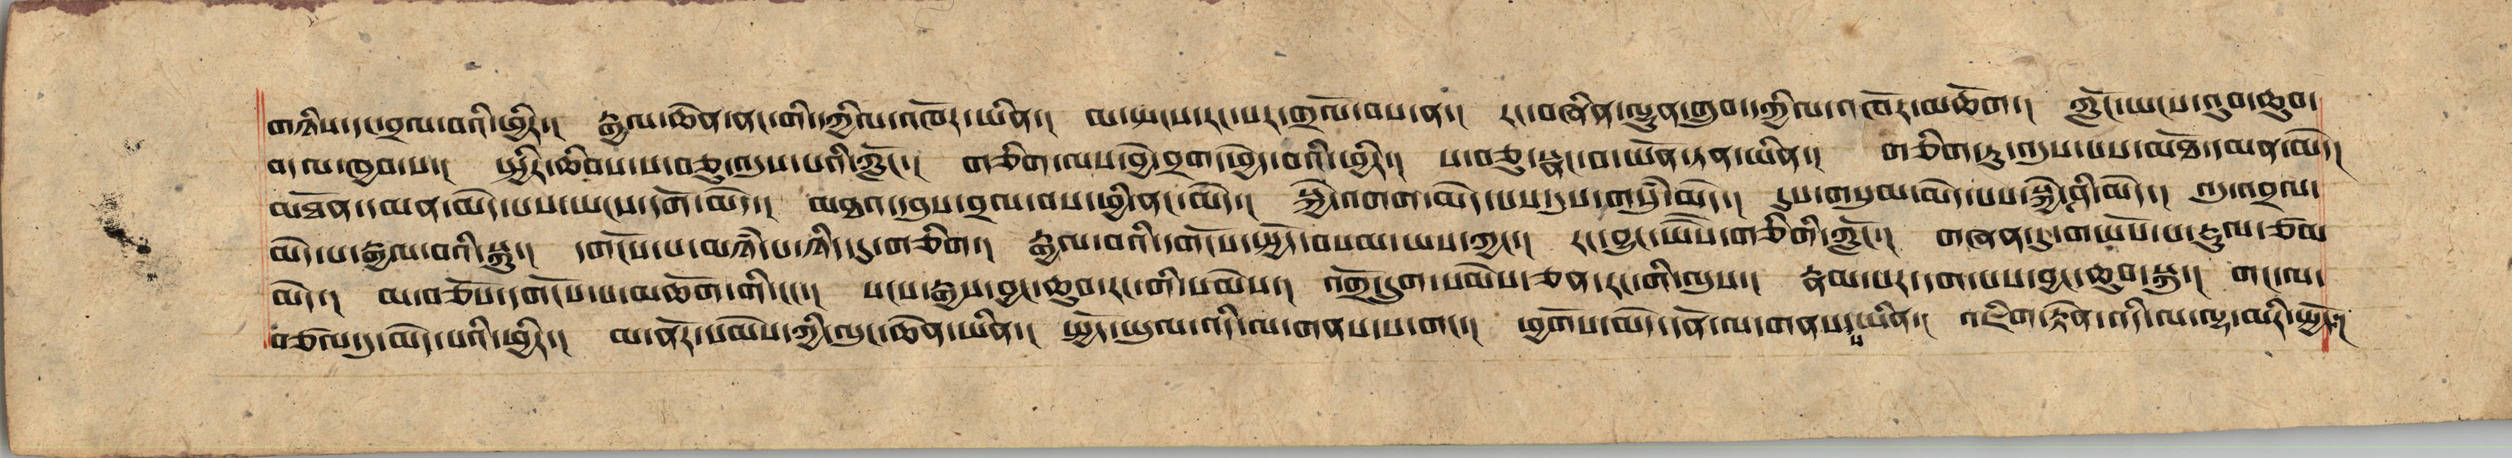གཉིས་དང་བྲལ་བའི་ཕྱིར་། རྒྱལ་ཆེན་ནང་གི་དཀྱིལ་འཁོར་ཡིན་། མ་སྤངས་རང་སར་གྲོལ་བས་ན་། རང་བཞིན་ལྷུན་གྲུབ་དཀྱིལ་འཁོར་མཆོག་། ཀློང་ཡངས་འུབ་ཆུབ་
བ་ལ་ཁྱབ་པ་། སྤྱིར་ཆིབས་ས་བཅུ་འདུས་པའི་ཀློང་། གཅིག་ལས་བྱེ་བྲག་ཕྱེད་བའི་ཕྱིར་། ས་བཅུ་སྣང་བ་ཡོན་ཏན་ཡིན་། གཅིག་ཏུ་འདུས་པས་མཐོ་དམན་མེད་།
མཐོན་དམན་མེད་པས་ཡངས་དོག་མེད་། མཐའ་དབུས་བྲལ་བས་ཕྱི་ནང་མེད་། སྐྱེ་འགག་མེད་པས་དུས་གསུཾ་མེད་། དུས་གསུམ་མེད་པས་སྐྱེ་ཤི་མེད་། འདུ་བྲལ་
མེད་པ་རྒྱལ་བའི་སྐུ་། དགོངས་པ་མཉཾ་པ་ཉིད་དུ་གཅིག་། རྒྱལ་བའི་དགོངས་སྤྱོད་བསམ་ཡས་ཀྱང་། རང་བྱུང་ཡཻས་གཅིགི་ཀློང་། གཞན་དུ་གཡོས་པ་རྡུལ་ཙམ་
མེད་། མ་བཅོས་དགོངས་པ་མཆོག་གི་ངང་། སངས་རྒྱས་བྱང་ཆུབ་རང་གི་སེམས་། འགྲོ་དྲུག་སེམས་ཅན་རང་གི་ལུས་། རྣམ་པར་དག་པས་བྱང་ཆུབ་སྐུ་། གང་ལ་
བཙལ་དུ་མཻད་པའི་ཕྱིར་། མ་ནོར་སེམས་ཀྱི་ལུང་ཆེན་ཡིན་། སྤྱོད་ཡུལ་འདི་ལ་གནས་པ་གང་། ཕྱོགས་མེད་དོན་ལ་གནས་ས་ཡིན་། འཇིག་རྟེན་འདི་ལ་ལྷ་མིར་སྤྱོད་།